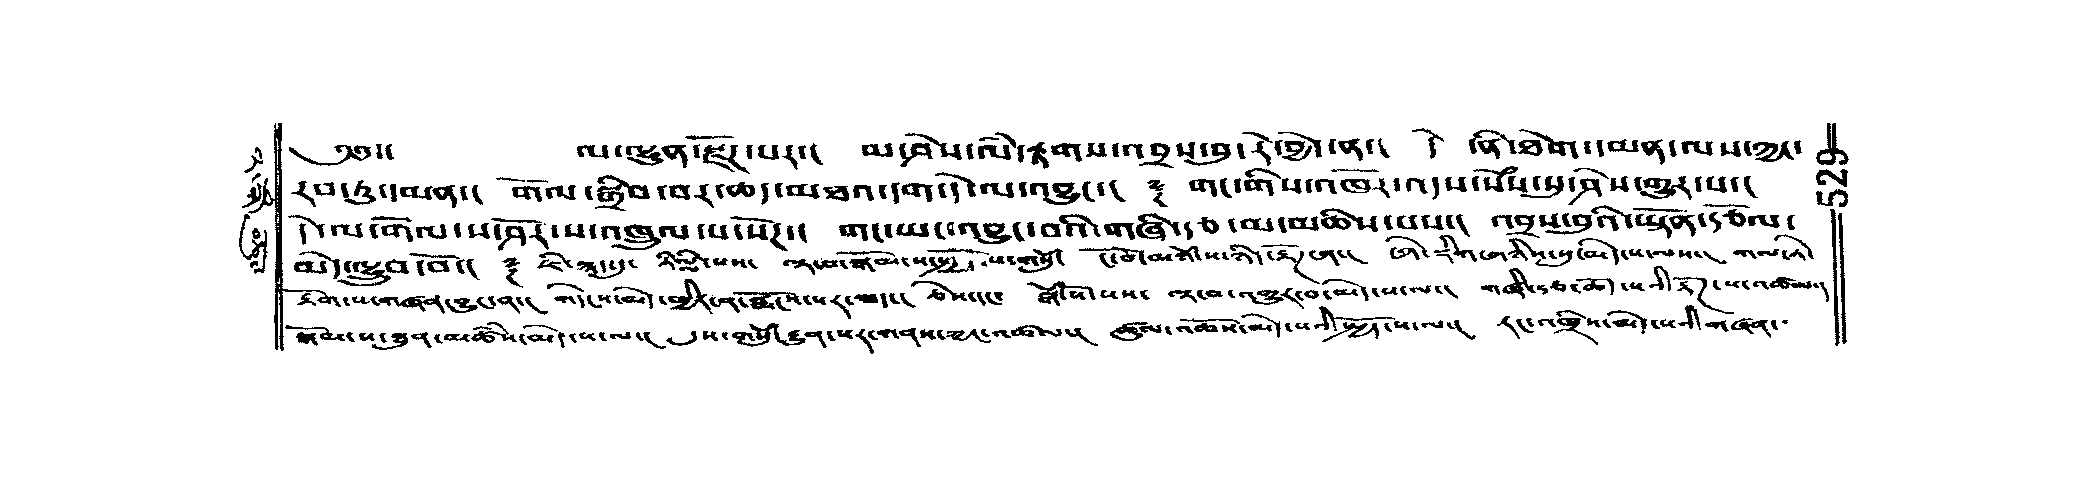ལྷུན་རྫོགས་པར། །མ་ཤེས་ལམ་རྟགས་འབྲས་བུ་རེ་བྱེད་ན། །དེ་ནི་ཐེག་དམན་ལས་ཀྱང་
རབ་ཏུ་དམན། །གོལ་སྒྲིབ་བར་ཆད་མཐའ་དག་དེ་ལ་འབྱུང་། ༈ གང་གིས་འཁོར་འདས་སེམས་སུ་ཤེས་གྱུར་པ། །
དེ་ལ་གོལ་ས་ཤོར་ས་འཁྲུལ་ས་སོགས། །གང་ཡང་འབྱུང་བའི་གཞི་རྩ་མ་མཆིས་པས། །འབྲས་བུའི་ཡོན་ཏན་རྩོལ་
མེད་ལྷུན་གྲུབ་བོ།།༈ ཇི་སྐད་དུ། ཏིལློ་པས། ལྟ་བ་སྒོམ་པ་སྤྱོད་པ་གསུམ། །ངོ་བོ་མཉམ་པ་ཉིད་རྟོགས་ན། །དགེ་སྡིག་གཉིས་སུ་མེད་པ་ལས། །གལ་ཏེ་
རྟོག་པ་གཞན་བྱུང་ན། །གདེངས་མེད་ཕྱིར་ན་རྨོངས་པར་ཟད། ཅེས་དང་། སྒམ་པོ་པས། ལྟ་བ་འགྱུར་བ་མེད་པ་ལ། །གཞི་རྩ་ཆོད་པའི་རྟོགས་པ་འཚལ། །
སྒོམ་པ་ཐུན་མཚམས་མེད་པ་ལ། །དུས་གསུམ་རྒྱུན་པར་གནས་ཀྱང་འཚལ། །ཚུལ་འཆོས་མེད་པའི་སྤྱོད་པ་ལ། །རང་འཁྲིས་མེད་པའི་གཞན་